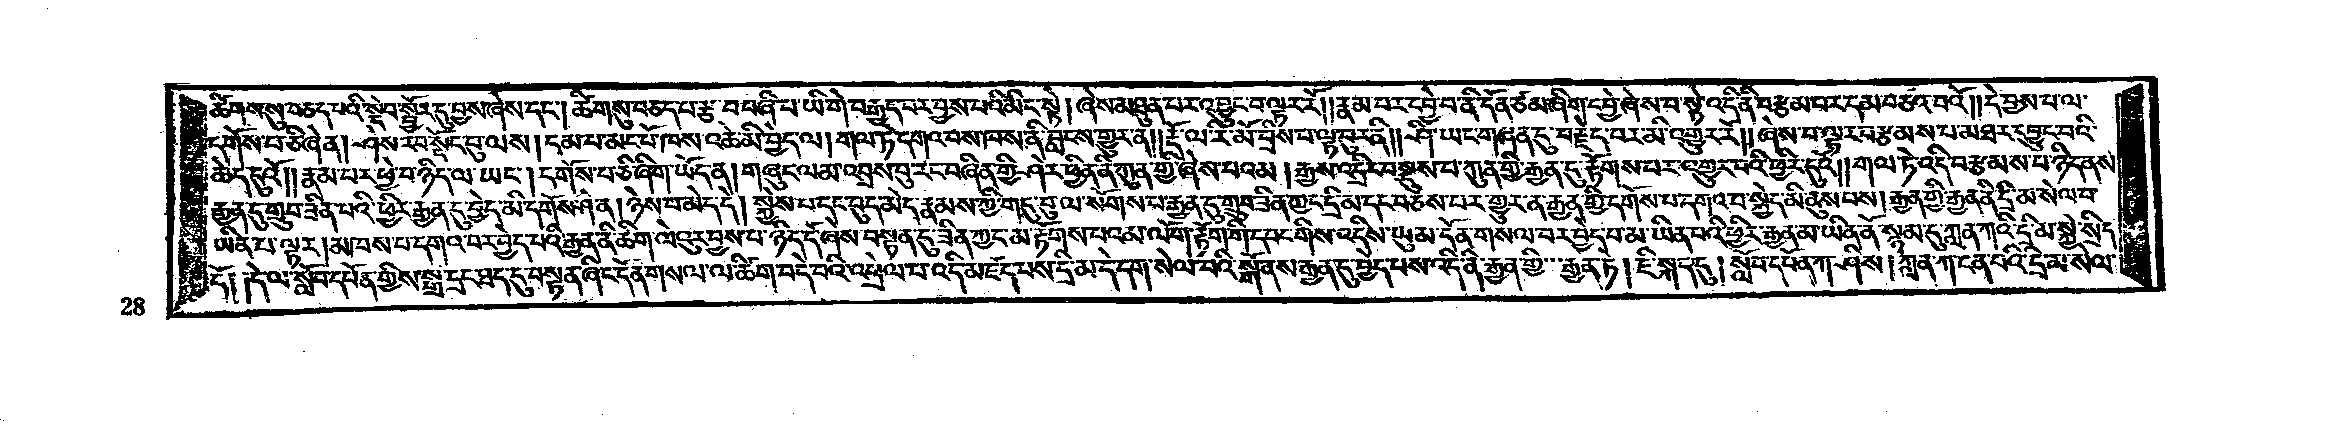ཚིགས་སུ་བཅད་པའི་སྡེབ་སྦྱོར་དུ་བྱས་ཞེས་དང་། ཚིགས་སུ་བཅད་པ་རྩ་བ་བཞི་པ་ཡི་གེ་བརྒྱད་པར་བྱས་པའི་མིང་སྟེ། ཞེས་མཐུན་པར་འབྱུང་བ་ལྟར་རོ། །རྣམ་པར་དབྱེ་བ་ནི་དོན་ཙམ་ཞིག་དབྱེ་ཞེས་པ་སྟེ་འདི་ནི་བརྩམ་པར་དམ་བཅའ་བའོ། །དེ་བྱས་པ་ལ་
དགོས་པ་ཅི་ཞེ་ན། ཤེས་རབ་སྡོང་བུ་ལས། དམ་པ་མང་པོ་ཁས་འཆེ་མི་བྱེད་ལ། གལ་ཏེ་དགའ་བས་ཁས་ནི་བླངས་གྱུར་ན། །རྡོ་ལ་རི་མོ་བྲིས་པ་ལྟ་བུར་ནི། །ཤི་ཡང་གཞན་དུ་བརྗེད་པར་མི་འགྱུར་རོ། །ཞེས་པ་ལྟར་བརྩམས་པ་མཐར་དབྱུང་བའི་
ཆེད་དུའོ། །རྣམ་པར་ཕྱེ་བ་ཉིད་ལ་ཡང་། དགོས་པ་ཅི་ཞིག་ཡོད་ན། གཞུང་ལམ་འབྲས་བུ་རང་བཞིན་གྱི་ཤེར་ཕྱིན་ནི་ཀུན་གྱི་ཞེས་པའམ། རྒྱས་འབྲིང་བསྡུས་པ་ཀུན་གྱི་རྒྱན་དུ་རྟོགས་པར་འགྱུར་བའི་ཕྱིར་དུའོ། །གལ་ཏེ་འདི་བརྩམས་པ་ཉིད་ནས་
རྒྱན་དུ་གྲུབ་ཟིན་པའི་ཕྱིར་རྒྱན་དུ་བྱེད་མི་དགོས་ཤེ་ན། ཉེས་པ་མེད་དེ། སྐྱེས་པ་དང་བུད་མེད་རྣམས་ཀྱི་གདུ་བུ་ལ་སོགས་པ་རྒྱན་དུ་གྲུབ་ཟིན་ཀྱང་དྲི་མ་དང་བཅས་པར་གྱུར་ན་རྒྱན་གྱི་དགོས་པ་དགའ་བ་སྐྱེད་མི་ནུས་པས། རྒྱན་གྱི་རྒྱན་ནི་དྲི་མ་སེལ་བ་
ཡིན་པ་ལྟར། མཁས་པ་དགའ་བར་བྱེད་པའི་རྒྱན་ནི་ཚིག་ལེའུར་བྱས་པ་ཉིད་དོ་ཞེས་བསྟན་དུ་ཟིན་ཀྱང་མ་རྟོགས་པའམ་ལོག་རྟོག་གི་དབང་གིས་འདིས་ཡུམ་དོན་གསལ་བར་བྱེད་པ་མ་ཡིན་པའི་ཕྱིར་རྒྱན་མ་ཡིན་ནོ་སྙམ་དུ་ཀླན་ཀའི་དྲི་མ་སྐྱེ་སྲིད་
དོ། །དེ་ལ་སློབ་དཔོན་གྱིས་སྒྲ་དྲང་ཐད་དུ་བསྟན་ཞིང་དོན་གསལ་ལ་ཚིག་བདེ་བའི་འགྲེལ་པ་འདི་མཛད་པས་དྲི་མ་དེ་དག་སེལ་བའི་སྒོ་ནས་རྒྱན་དུ་བྱེད་པས་འདི་ནི་རྒྱན་གྱི་རྒྱན་ཏེ། ཇི་སྐད་དུ། སློབ་དཔོན་ཀ་ཤིས། ཀླན་ཀ་ངན་པའི་དྲི་མ་སེལ་